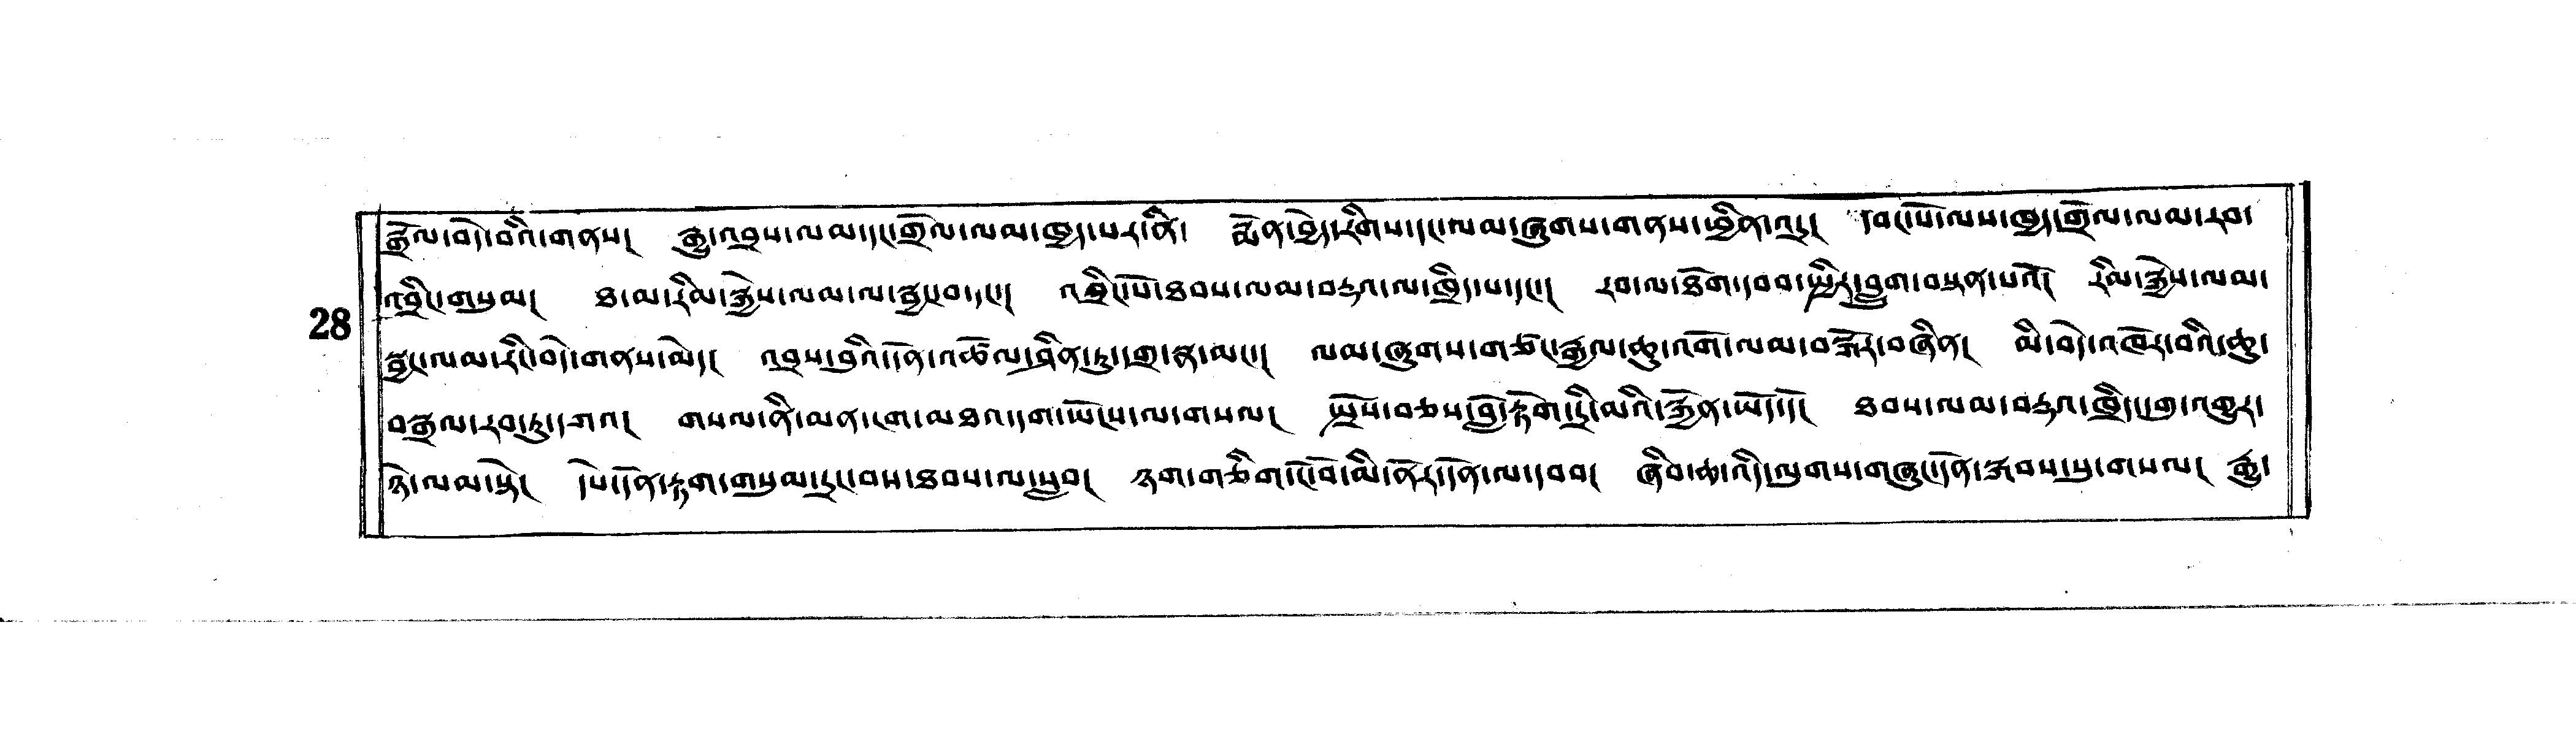སྒྲོལ་བདེ་བའི་གནས། རྒྱུ་འབྲས་ལམ་དང་གྲོལ་ལམ་ཁྱད་པར་ནི། སྨོན་བྱེད་རིགས་དང་ལམ་ཞུགས་གནས་ཕྱིན་འདྲ། དབང་པོ་ལས་ཁྱད་གྲོལ་ལམ་རབ་
འབྲིང་གསུམ། ཐ་མ་རིམ་སྐྱེས་ལམ་ལ་སྦྱང་བ་དང་། འབྲིང་པོ་ཐབས་ལམ་བརྡ་ལ་ཁྲིད་པ་དང་། རབ་ལ་ཐོག་བབ་སྤྱི་བླུགས་བསྟན་པའོ། རིམ་སྐྱེས་ལམ་
སྦྱང་ལམ་རིང་བདེ་གནས་མེད། འབྲས་བུའི་དོན་འཚོལ་ཤིན་ཏུ་དགྲ་སྣ་མང་། ལམ་ཞུགས་གཙང་རྒྱལ་ཆུ་འགོ་ལམ་བསྐོར་བཞིན། མི་བདེ་འཁོར་བའི་ཆུ་
བསྒྲལ་རབ་ཏུ་དཀའ། གསལ་ནི་མན་ངག་མཐའ་དག་ཡོངས་ལ་གསལ། སྤྲོས་བཅས་བློ་རྟོག་དྲི་མའི་སྐྱོན་ཡོད་དོ། ཐམས་ལམ་བརྡ་ཁྲིད་དགུ་འགྱུར་
ཉེ་ལམ་སྟེ། དཔེ་དོན་རྟགས་གསུམ་དྲང་བས་ཐབས་ལ་བསླབ། ཉག་ཅིག་ངོ་བོ་མི་ནོིར་དོན་ལ་དབབ། ཞིབ་ཆ་འདི་ལུགས་གཞུང་དོན་སྐབས་སུ་གསལ། རྒྱུ་